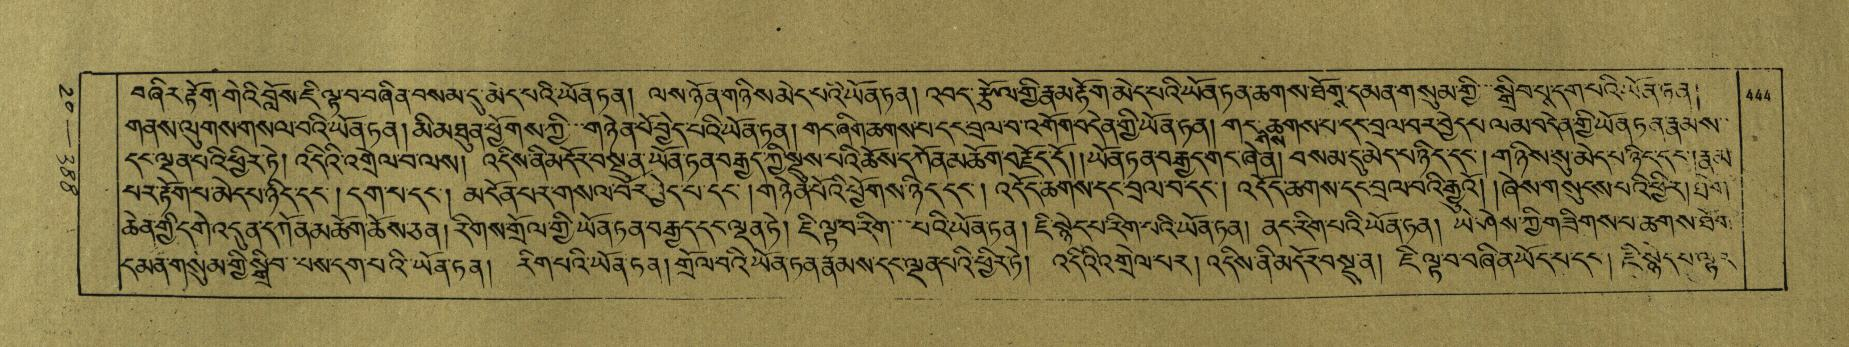བཞིར་རྟོག་གེའི་བློས་ཇི་ལྟ་བ་བཞིན་བསམ་དུ་མེད་པའི་ཡོན་ཏན། ལས་ཉོན་གཉིས་མེད་པའི་ཡོན་ཏན། འབད་རྩོལ་གྱི་རྣམ་རྟོག་མེད་པའི་ཡོན་ཏན་ཆགས་ཐོགས་དམན་གསུམ་གྱི་སྒྲིབ་པས་དག་པའི་ཡོན་ཏན།
གནས་ལུགས་གསལ་བའི་ཡོན་ཏན། མི་མཐུན་ཕྱོགས་ཀྱི་གཉེན་པོ་བྱེད་པའི་ཡོན་ཏན། གང་ཞིག་ཆགས་པ་དང་བྲལ་བ་འགོག་བདེན་གྱི་ཡོན་ཏན། གང་གིས་ཆགས་པ་དང་བྲལ་བར་བྱེད་པ་ལམ་བདེན་གྱི་ཡོན་ཏན་རྣམས་
དང་ལྡན་པའི་ཕྱིར་ཏེ། འདིའི་འགྲེལ་བ་ལས། འདིས་ནི་མདོར་བསྡུ་ན་ཡོན་ཏན་བརྒྱད་ཀྱི་སྡུས་པའི་ཆོས་དཀོན་མཆོག་བརྗོད་དོ། །ཡོན་ཏན་བརྒྱད་གང་ཞེ་ན། བསམ་དུ་མེད་པ་ཉིད་དང་། གཉིས་སུ་མེད་པ་ཉིད་དང་། རྣམ་
པར་རྟོག་པ་མེད་པ་ཉིད་དང་། དག་པ་དང་། མངོན་པར་གསལ་བར་བྱེད་པ་དང་། གཉེན་པོའི་ཕྱོགས་ཉིད་དང་། འདོད་ཆགས་དང་བྲལ་བ་དང་། འདོད་ཆགས་དང་བྲལ་བའི་རྒྱུའོ། །ཞེས་གསུངས་པའི་ཕྱིར། ཐེག་
ཆེན་གྱི་དགེ་འདུན་དཀོན་མཆོག་ཆོས་ཅན། རིགས་གྲོལ་གྱི་ཡོན་ཏན་བརྒྱད་དང་ལྡན་ཏེ། ཇི་ལྟ་བ་རིག་པའི་ཡོན་ཏན། ཇི་སྙེད་པ་རིག་པའི་ཡོན་ཏན། ནང་རིག་པའི་ཡོན་ཏན། ཡེ་ཤེས་ཀྱི་གཟིགས་པ་ཆགས་ཐོག་
དམན་གསུམ་གྱི་སྒྲིབ་པས་དག་པའི་ཡོན་ཏན། རིག་པའི་ཡོན་ཏན། གྲོལ་བའི་ཡོན་ཏན་རྣམས་དང་ལྡན་པའི་ཕྱིར་ཏེ། འདིའི་འགྲེལ་པར། འདིས་ནི་མདོར་བསྡུ་ན། ཇི་ལྟ་བ་བཞིན་ཡོད་པ་དང་། ཇི་སྙེད་པ་ལྟར་